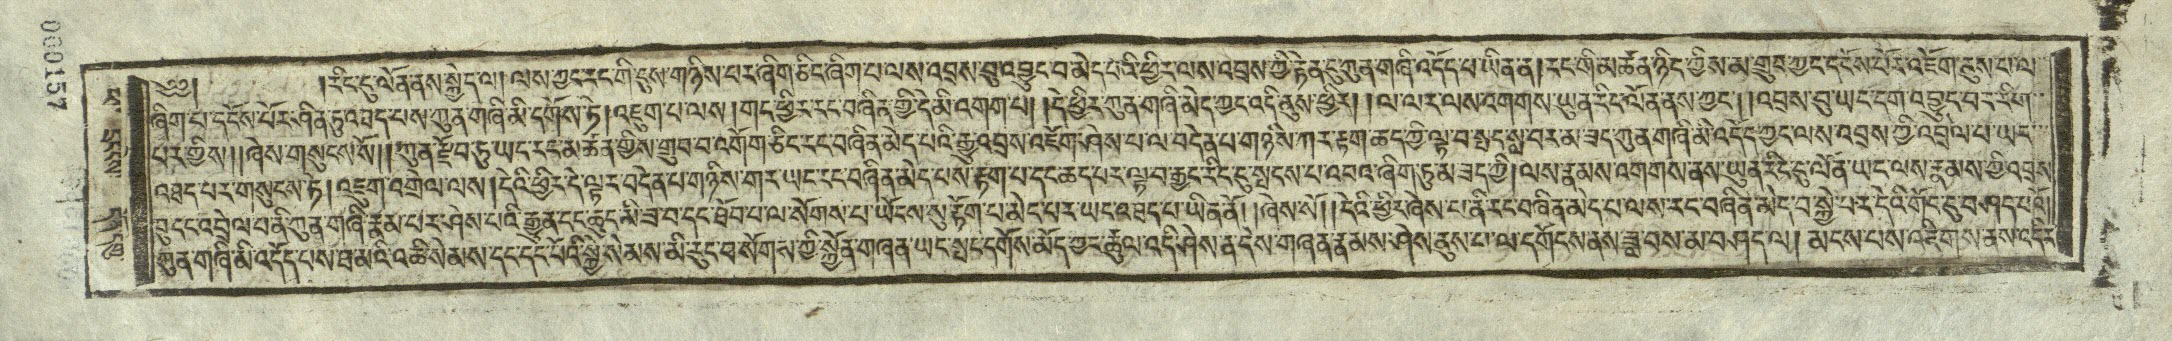༄༅། །རིང་དུ་ལོན་ནས་སྐྱེད་ལ། ལས་ཀྱང་རང་གི་དུས་གཉིས་པར་ཞིག་ཅིང་ཞིག་པ་ལས་འབྲས་བུ་འབྱུང་བ་མེད་པའི་ཕྱིར་ལས་འབྲས་ཀྱི་རྟེན་དུ་ཀུན་གཞི་འདོད་པ་ཡིན་ན། རང་གི་མཚན་ཉིད་ཀྱིས་མ་གྲུབ་ཀྱང་དངོས་པོར་འཇོག་ནུས་པ་ལ་
ཞིག་པ་དངོས་པོར་ཤིན་ཏུ་འཐད་པས་ཀུན་གཞི་མི་དགོས་ཏེ། འཇུག་པ་ལས། གང་ཕྱིར་རང་བཞིན་གྱི་དེ་མི་འགག་པ། །དེ་ཕྱིར་ཀུན་གཞི་མེད་ཀྱང་འདི་ནུས་ཕྱིར། །ལ་ལར་ལས་འགགས་ཡུན་རིང་ལོན་ནས་ཀྱང་། །འབྲས་བུ་ཡང་དག་འབྱུང་བར་རིག་
པར་གྱིས། །ཞས་གསུངས་སོ། །ཀུན་རྫོབ་ཏུ་ཡང་རང་མཚན་གྱིས་གྲུབ་པ་འགོག་ཅིང་རང་བཞིན་མེད་པའི་རྒྱུ་འབྲས་འཇོག་ཤེས་པ་ལ་བདེན་པ་གཉིས་ཀར་རྟག་ཆད་ཀྱི་ལྟ་བ་སྤང་སླ་བར་མ་ཟད་ཀུན་གཞི་མི་འདོད་ཀྱང་ལས་འབྲས་ཀྱི་འབྲེལ་པ་ཡང་
འཐད་པར་གསུངས་ཏེ། འཇུག་འགྲེལ་ལས། དེའི་ཕྱིར་དེ་ལྟར་བདེན་པ་གཉིས་གར་ཡང་རང་བཞིན་མེད་པས་རྟག་པ་དང་ཆད་པར་ལྟ་བ་རྒྱང་རིང་དུ་སྤངས་པ་འབའ་ཞིག་ཏུ་མ་ཟད་ཀྱི། ལས་རྣམས་འགགས་ནས་ཡུན་རིང་དུ་ལོན་ཡང་ལས་རྣམས་ཀྱི་འབྲས་
བུ་དང་འབྲེལ་པ་ནི་ཀུན་གཞི་རྣམ་པར་ཤེས་པའི་རྒྱུན་དང་ཆུད་མི་ཟ་བ་དང་ཐོབ་པ་ལ་སོགས་པ་ཡོངས་སུ་རྟོག་པ་མེད་པར་ཡང་འཐད་པ་ཡིན་ནོ། །ཞེས་སོ། །དེའི་ཕྱིར་ཞེས་པ་ནི་རང་བཞིན་མེད་པ་ལས་རང་བཞིན་མེད་པ་ལས་རང་བཞིན་མེད་བ་སྐྱེ་བར་དེའི་གོང་དུ་བཤད་པའོ།
ཀུན་གཞི་མི་འདོད་པས་ཐ་མའི་འཆི་སེམས་དང་དང་པོའི་སྐྱེ་སེམས་མི་རུང་བ་སོགས་ཀྱི་སྐྱོན་གཞན་ཡང་སྤང་དགོས་མོད་ཀྱང་ཚུལ་འདི་ཤེས་ན་དེས་གཞན་རྣམས་ཤེས་ནུས་པ་ལ་དགོངས་ནས་ཟླ་བས་མ་བཤད་ལ། མངས་པས་འཛིགས་ནས་འདིར་